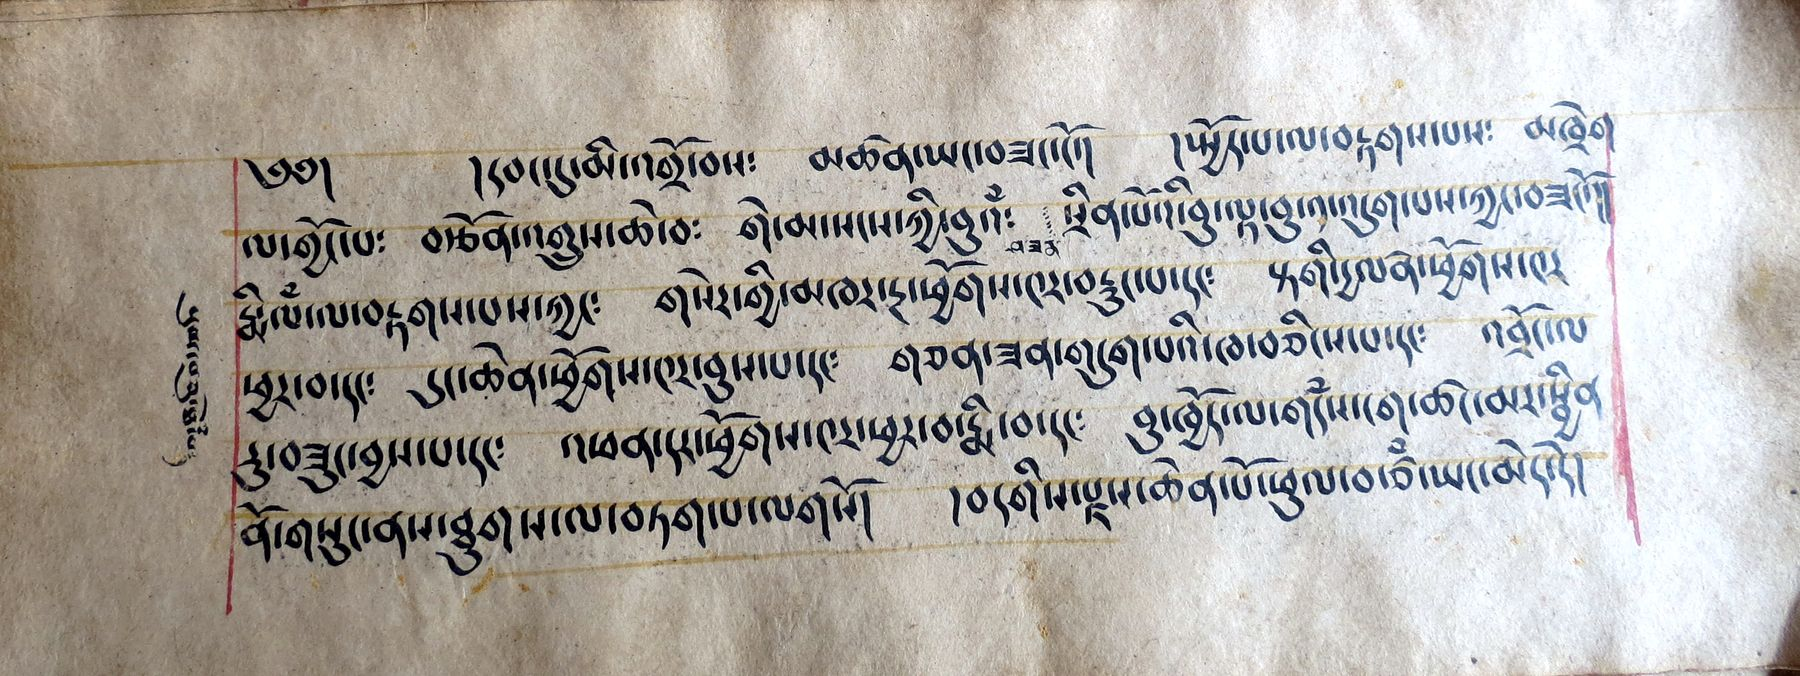དབང་དུ་མི་འགྲོ་བས། མཚན་ཡང་བཟང་ངོ། །སྤྱོད་པ་ལ་བརྟག་པས། ཀྱང་འཁྲེགས་
ལ་གྱོང་པ། བརྩོན་འགྲུས་ཆེ་བ། གེ་མ་སང་གི་བུའམ། ཤ་ཟན་སྲིན་པོའི་བུ་ལྟ་བུ་ཞིག་འདུག་པས་ཀྱང་བཟང་ངོ་། །
རྨི་ལམ་ལ་བརྟགས་པས་ཀྱང་། གསེར་གྱི་མཁར་རྔ་ཕྱོགས་བཞིར་བརྡུང་བ་དང་། སྟག་གི་རྒྱལ་མཚན་ཕྱོགས་བཞིར་
ཕྱར་བ་དང་། དུང་ཆེན་ཕྱོགས་བཞིར་བུས་པ་དང་། གཅན་གཟན་གདུག་པའི་ཁ་བཅིང་པ་དང་། འབྲོང་ལ་
རུ་བཟུང་བྱས་པ་དང་། འཕན་དར་ཕྱོགས་བཞིར་ཕྱར་བ་ལས་སོགས་རྨི་བས་བཟང་། བུ་ཁྱོད་ལ་གདམས་ངག་ཚང་བར་སྦྱིན་
ནོ་གསུངས་ནས་ཐུགས་ལ་བཏགས་པ་ལགས་སོ། །བདག་གིས་རྫས་ཆེན་པོ་ཕུལ་བ་ཙམ་ཡང་མེད་དེ།